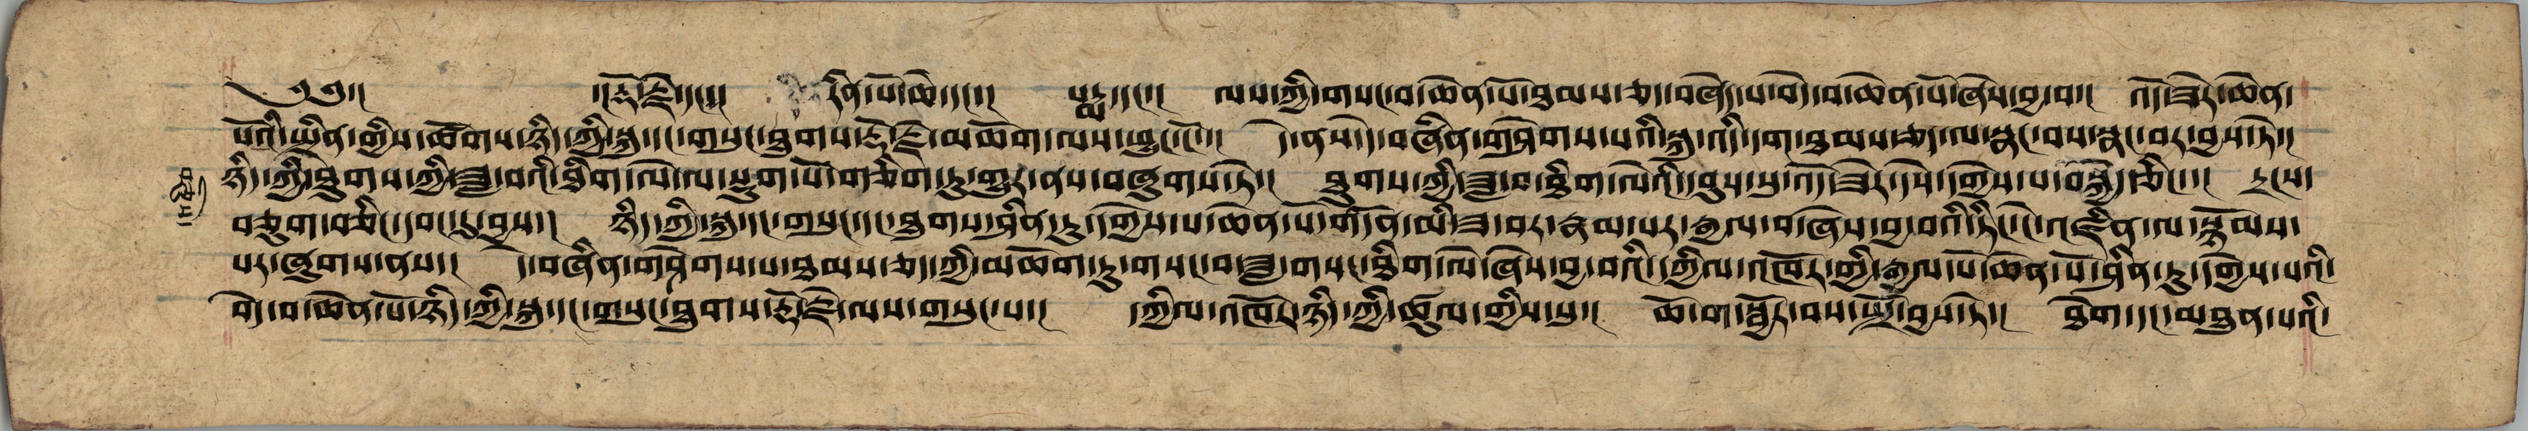༄༅་། ་།རྡོ་རྗེ་དང་། རིན་པོ་ཆེ་དང་། པདྨ་དདང་། ལས་ཀྱི་གསང་བ་ཆེན་པོ་ཐམས་ཅད་བཞེད་པ་བདེ་བ་ཆེན་པོ་ཞེས་བྱ་བ་། འདོ་ཟེར་ཆེན་
པོའི་སྤྲིན་གྱིས་ཚོགས་ཉིད་ཀྱི་སྐུ་དང་གསུང་ཐུགས་རྡོ་རྗེ་མཆོག་ལས་ཕྱུང་ངོ་་། དེ་ནས་དེ་བཞིན་གཤེགས་པའི་སྐུ་འདི་དག་ཐམས་ཅད་ལ་སྣང་བས་སྣང་བར་བྱས་ཏེ་།
ཉིདཀྱི་ཐུགས་ཀྱི་ཟླ་བའི་ཐིག་ལེ་ལ་སྡུག་པོ་གཅིག་ཏུ་གྱུར་ནས་བཞུགས་ཏེ་། ཐུགས་ཀྱི་ཟླ་བ་ཐིག་ལེའི་དབུས་སུ་འོད་ཟེར་དེས་དགྱེས་པ་བསྐྱེད་ཅིང་་། དྲངས་
བཅུག་བཅིང་དབང་དུ་བྱས་། ཉིད་ཀྱི་སྐུ་དང་གསུང་དང་ཐུགས་ཤིན་ཏུ་དགྱེས་པ་ཆེན་པོ་གདོན་མི་ཟ་བར་རྣམ་པར་རྒྱལ་བ་ཞེས་བྱ་བའི་ཏིང་ངེ་འཛིན་ལ་སྙོམས་
པར་ཞུགས་ནས་། དེ་བཞིན་གཤེགས་པ་ཐམས་ཅད་ཀྱི་མཆོག་ཏུ་གསང་བ་ཟླ་གསང་ཐིག་ལེ་ཞེས་བྱ་བའི་དཀྱིལ་འཁོར་གྱི་རྒྱལ་པོ་ཆེན་པོ་ཤིན་ཏུ་དགྱེས་པའི་
བདེ་བ་ཆེན་པོ་ཉིད་ཀྱི་སྐུ་དང་གསུང་ཐུགས་རྡོ་རྗེ་ལས་གསུངས་པ་། དཀྱིལ་འཁོར་ཉིད་ཀྱི་ཚུལ་གྱིས་སུ་། ཆོ་ག་སྦྱོར་བས་སྤྲོ་བྱས་ཏེ་། ཐེག་དང་མཐུན་པའི་